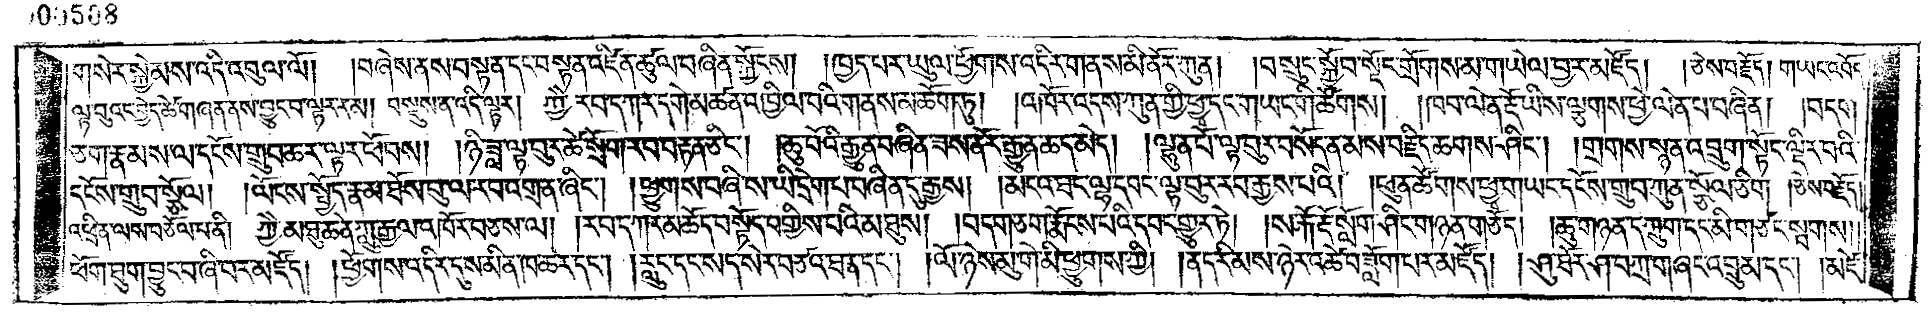གསེར་སྐྱེམས་འདི་འབུལ་ལོ། །བཞེས་ནས་བསྟན་དང་བསྟན་འཛིན་ཚུལ་བཞིན་སྐྱོངས། །ཁྱད་པར་ཡུལ་ཕྱོགས་འདིར་གནས་མི་ནོར་ཀུན། །བསྲུང་སྐྱོབ་སྡོང་གྲོགས་མ་གཡེལ་བྱ་ར་མཛོད། །ཅེས་བརྗོད། གཡང་འབོད་
ལྟ་བུའང་བྱེད་ཚེ་གཞན་ནས་བྱུང་བ་ལྟར་རམ། བསྡུས་ན་འདི་ལྟར། ཀྱཻ་རབ་དཀར་དགེ་མཚན་འཁྱིལ་བའི་གནས་མཆོག་ཏུ། །འཁོར་འདས་ཀུན་གྱི་ཕྱྭ་དང་གཡང་གི་ཚོགས། །ཁབ་ལེན་རྡོ་ཡིས་ལྕགས་ཕྱེ་ལེན་པ་བཞིན། །བདག་
ཅག་རྣམས་ལ་དངོས་གྲུབ་ཆར་ལྟར་ཕོབས། །ཉི་ཟླ་ལྟ་བུར་ཚེ་སྲོག་རབ་བརྟན་ཅིང་། །ཆུ་བོའི་རྒྱུན་བཞིན་ཟས་ནོར་རྒྱུན་ཆད་མེད། །ལྷུན་པོ་ལྟ་བུར་བསོད་ནམས་བརྗིད་ཆགས་ཤིང་། །གྲགས་སྙན་འབྲུག་སྟོང་ལྡིར་བའི་
དངོས་གྲུབ་སྩོལ། །ལོངས་སྤྱོད་རྣམ་ཐོས་བུ་ལ་རབ་འགྲན་ཞིང་། །ཕྱུགས་བཞི་ས་ཡི་དྲེག་པ་བཞིན་དུ་རྒྱས། །མངའ་ཐང་ལྷ་དབང་ལྟ་བུར་རབ་རྒྱས་པའི། །ཕུན་ཚོགས་ཕྱྭ་གཡང་དངོས་གྲུབ་ཀུན་སྩོལ་ཅིག །ཅེས་བརྗོད་
འཕྲིན་ལས་བཅོལ་པ་ནི། ཀྱཻ་མཐུ་ཆེན་ཀླུ་རྒྱལ་འཁོར་བཅས་ལ། །རབ་དཀར་མཆོད་བསྟོད་བགྱིས་པའི་མཐུས། །བདག་ཅག་རྨོངས་པའི་དབང་གྱུར་ཏེ། །ས་རྐོ་རྡོ་སློག་ཤིང་གཉན་གཅོད། །ཆུ་གཉན་དཀྲུག་དང་མི་གཙང་སྦགས། །
ཕོག་ཐུག་བྱུང་བ་ཞི་བར་མཛོད། །ཕྱོགས་འདིར་དུས་མིན་ཁ་ཆར་དང་། །རླུང་དང་སད་སེར་བཙའ་ཐན་དང་། །ལོ་ཉེས་མུ་གེ་མི་ཕྱུགས་ཀྱི། །ནད་རིམས་ཉེར་འཚེ་བཟློག་པར་མཛོད། །ཤུ་ཐོར་ཤ་བཀྲ་གཞང་འབྲུམ་དང་། །མཛེ་